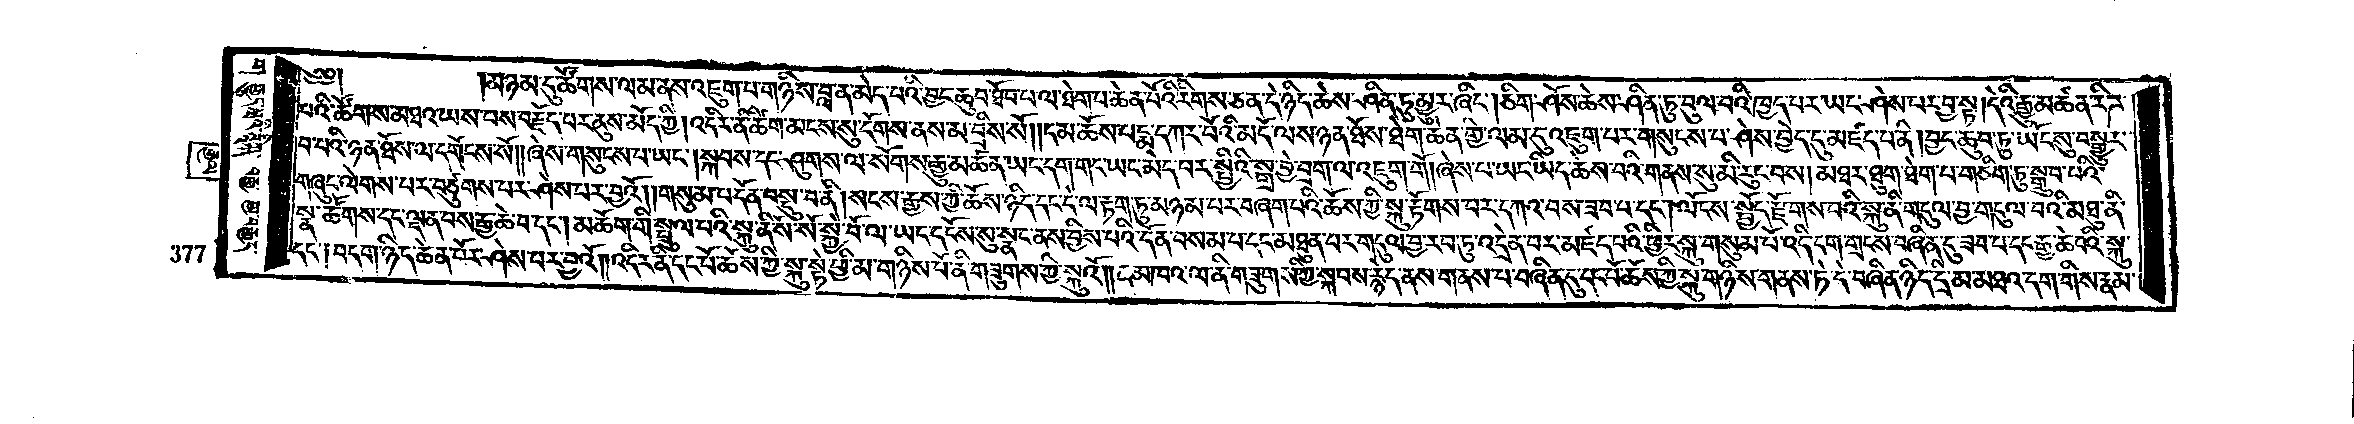༄༅། །མཉམ་དུ་ཚོགས་ལམ་ནས་འཇུག་པ་གཉིས་བླ་ན་མེད་པའི་བྱང་ཆུབ་ཐོབ་པ་ལ་ཐེག་པ་ཆེན་པོའི་རིགས་ཅན་དེ་ཉིད་ཆེས་ཤིན་ཏུ་མྱུར་ཞིང་། ཅིག་ཤོས་ཆེས་ཤིན་ཏུ་བུལ་བའི་ཁྱད་པར་ཡང་ཤེས་པར་བྱ་སྟེ། དེའི་རྒྱུ་མཚན་རིགས་
པའི་ཚོགས་མཐའ་ཡས་པས་བརྗོད་པར་ནུས་མོད་ཀྱི། འདིར་ནི་ཚིག་མངས་སུ་དོགས་ནས་མ་བྲིས་སོ། །དམ་ཆོས་པདམ་དཀར་པོའི་མདོ་ལས་ཉན་ཐོས་ཐེག་ཆེན་གྱི་ལམ་དུ་འཇུག་པར་གསུངས་པ་ཤེས་བྱེད་དུ་མཛད་པ་ནི། བྱང་ཆུབ་ཏུ་ཡོངས་སུ་བསྒྱུར་
བ་པའི་ཉན་ཐོས་ལ་དགོངས་སོ། །ཞེས་གསུངས་པ་ཡང་། སྐབས་དང་ཤུགས་ལ་སོགས་རྒྱུ་མཚན་ཡང་དག་པ་གང་ཡང་མེད་པར་སྤྱིའི་སྒྲ་བྱེ་བྲག་ལ་འཇུག་གོ །ཞེས་པ་ཡང་ཡིད་ཆེས་པའི་གནས་སུ་མི་རུང་བས། མཐར་ཐུག་ཐེག་པ་གཅིག་ཏུ་སྒྲུབ་པའི་
གཞུང་ལེགས་པར་བཙུགས་པར་ཤེས་པར་བྱའོ། །གསུམ་པ་དོན་བསྡུ་བ་ནི། སངས་རྒྱས་ཀྱི་ཆོས་ཉིད་དང་དེ་ལ་རྟག་ཏུ་མཉམ་པར་བཞག་པའི་ཆོས་ཀྱི་སྐུ་རྟོགས་པར་དཀའ་བས་ཟབ་པ་དང་། ལོངས་སྤྱོད་རྫོགས་པའི་སྐུ་ནི་གདུལ་བྱ་གདུལ་པའི་མཐུ་ནི་
སྣ་ཚོགས་དང་ལྡན་པས་རྒྱ་ཆེ་བ་དང་། མཆོག་གི་སྤྲུལ་པའི་སྐུ་ནི་སོ་སོ་སྐྱེ་བོ་ལ་ཡང་དངོས་སུ་སྣང་ནས་བྱིས་པའི་དོན་བསམ་པ་དང་མཐུན་པར་གདུལ་བྱ་རབ་ཏུ་འདྲེན་པར་མཛད་པའི་ཕྱིར་སྐུ་གསུམ་པོ་འདི་དག་གྲངས་བཞིན་དུ་ཟབ་པ་དང་རྒྱ་ཆེ་བའི་སྐུ་
དང༑ བདག་ཉིད་ཆེན་པོར་ཤེས་པར་བྱའོ། །འདིར་ནི་དང་པོ་ཆོས་ཀྱི་སྐུ་སྟེ་ཕྱི་མ་གཉིས་པོ་ནི་གཟུགས་ཀྱི་སྐུའོ། །ནམ་མཁའ་ལ་ནི་གཟུགས་ཀྱི་སྐབས་རྙེད་ནས་གནས་པ་བཞིན་དུ་དང་པོ་ཆོས་ཀྱི་སྐུ་གཉིས་གནས་ཏེ་དེ་བཞིན་ཉིད་དྲི་མ་མཐའ་དག་གིས་རྣམ་